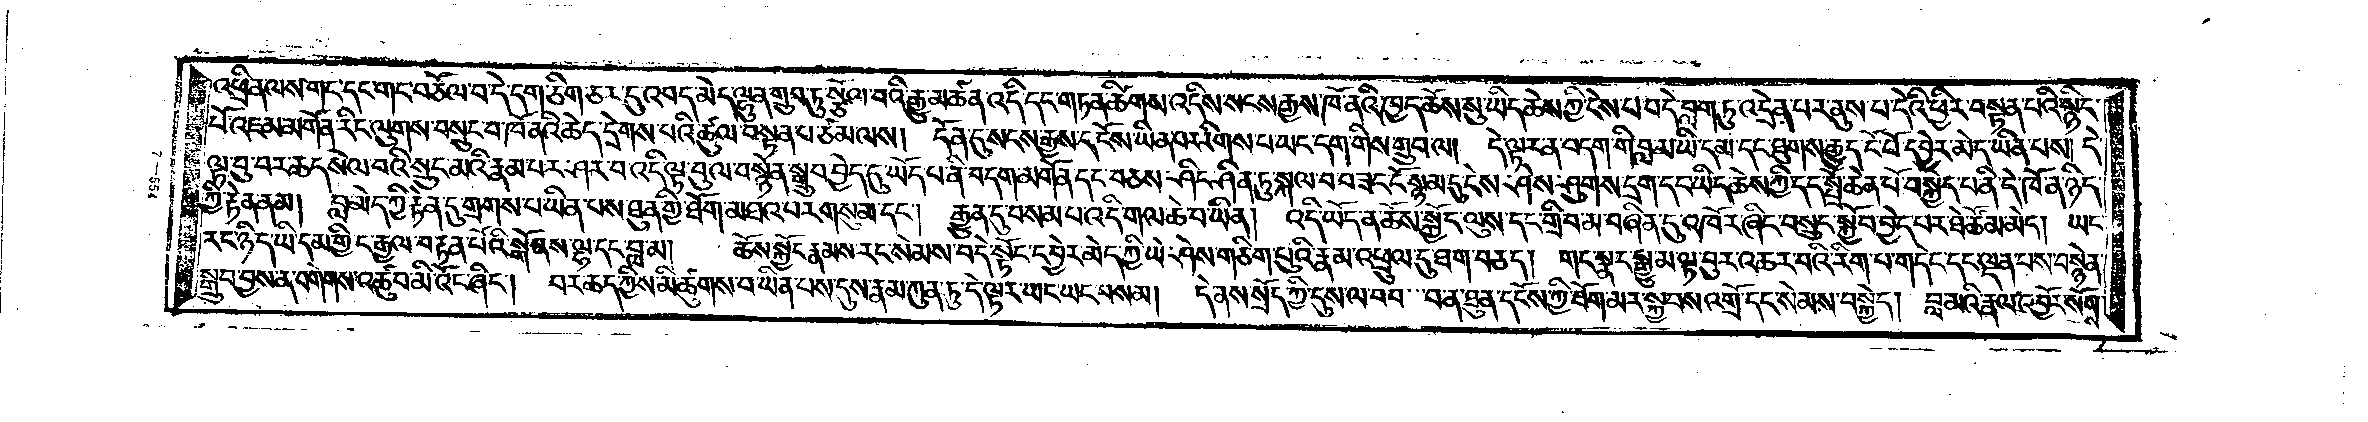འཕྲིན་ལས་གང་དང་གང་བཅོལ་བ་དེ་དག་ཅིག་ཅར་དུ་འབད་མེད་ལྷུན་གྲུབ་ཏུ་སྩོལ་པའི་རྒྱུ་མཚན་འདི་དང་གཏན་ཚིགས་འདིས་སངས་རྒྱས་ཁོ་ནའི་ཁྱད་ཆོས་སུ་ཡིད་ཆེས་ཀྱི་ངེས་པ་བདེ་བླག་ཏུ་འདྲེན་པར་ནུས་པ་དེའི་ཕྱིར་བསྟན་པའི་སྙིང་
པོ་འཇམ་མགོན་རིང་ལུགས་བསྲུང་བ་ཁོ་ནའི་ཆེད་དྲེགས་པའི་ཚུལ་བསྟན་པ་ཙམ་ལས། དོན་དུ་སངས་རྒྱས་དངོས་ཡིན་པར་རིགས་པ་ཡང་དག་གིས་གྲུབ་ལ། དེ་ལྟར་ན་བདག་གི་བླ་མ་ཡི་དམ་དང་ཐུགས་རྒྱུད་ངོ་བོ་དབྱེར་མེད་ཡིན་པས། དེ་
ལྟ་བུ་བར་ཆད་སེལ་བའི་སྲུང་མའི་རྣམ་པར་ཤར་བ་འདི་ལྟ་བུ་ལ་བསྙེན་སྒྲུབ་བྱེད་དུ་ཡོད་པ་ནི་བདག་མགོན་དང་བཅས་ཤིང་ཤིན་ཏུ་སྐལ་བ་བཟང་པོ་སྙམ་དུ་ངེས་ཤེས་ཤུགས་དྲག་དང་ཡིད་ཆེན་ཀྱི་དད་སྤྲོ་ཆེན་པོ་བསྐྱེད་པ་ནི་དེ་ཁོ་ན་ཉིད་
ཀྱི་རྟེན་ནམ། བླ་མེད་ཀྱི་རྟེན་དུ་གྲགས་པ་ཡིན་པས་ཐུན་གྱི་ཐོག་མཐའ་པར་གསུམ་དང་། རྒྱུན་དུ་བསམ་པ་འདི་གལ་ཆེ་བ་ཡིན། འདི་ཡོད་ན་ཆོས་སྐྱོང་ལུས་དང་གྲིབ་མ་བཞིན་དུ་འཁོར་ཞིང་བསྲུང་སྐྱོབ་བྱེད་པར་ཐེ་ཚོམ་མེད། ཡང་
རང་ཉིད་ཡི་དམ་གྱི་ང་རྒྱལ་བརྟན་པོའི་སྒོ་ནས་ལྷ་དང་བླ་མ། ཆོས་སྐྱོང་རྣམས་རང་སེམས་བདེ་སྟོང་དབྱེར་མེད་ཀྱི་ཡེ་ཤེས་གཅིག་བུའི་རྣམ་འཕྲུལ་དུ་ཐག་བཅད། གང་སྣང་སྒྱུ་མ་ལྟ་བུར་འཆར་བའི་རིག་པ་གདེང་དང་ལྡན་པས་བསྙེན།
སྒྲུབ་བྱས་ན་བགེགས་འཚུལ་མི་འོང་ཞིང་། བར་ཆད་ཀྱིས་མི་ཚུགས་པ་ཡིན་པས་དུས་རྣམ་ཀུན་ཏུ་དེ་ལྟར་ཡང་ཡང་བསམ། དེ་ནས་སྲོད་ཀྱི་དུས་ལ་བབ་བ་ན་ཐུན་དངོས་ཀྱི་ཐོག་མར་སྐྱབས་འགྲོ་དང་སེམས་བསྐྱེད། བླ་མའི་རྣལ་འབྱོར་སོགས།